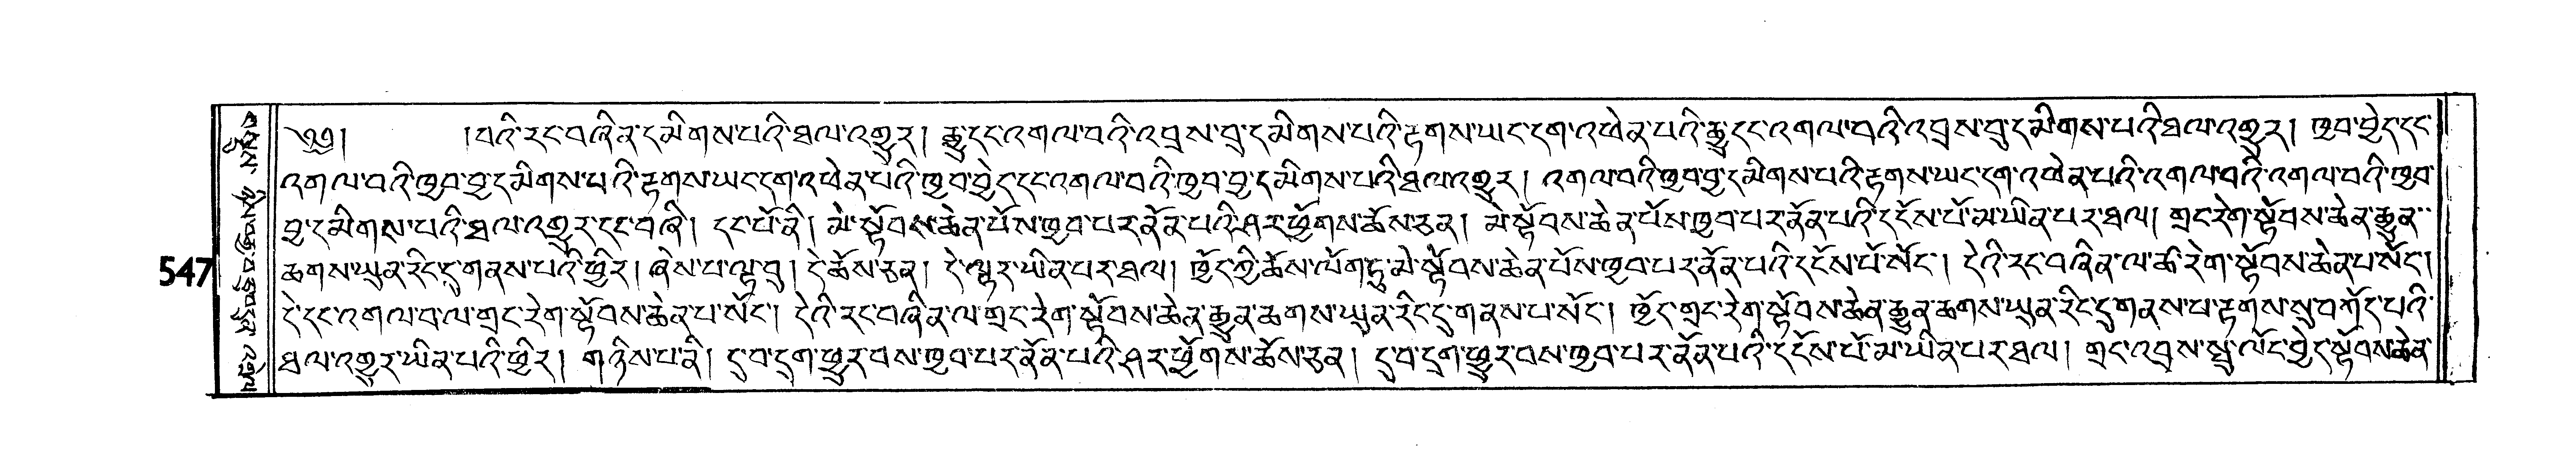༄༅། །བའི་རང་བཞིན་དམིགས་པའི་ཐལ་འགྱུར། རྒྱུ་དང་འགལ་བའི་འབྲས་བུ་དམིགས་པའི་རྟགས་ཡང་དག་འཕེན་པའི་རྒྱུ་དང་འགལ་བའི་འབྲས་བུ་དམིགས་པའི་ཐལ་འགྱུར། ཁྱབ་བྱེད་དང་
འགལ་བའི་ཁྱབ་བྱ་དམིགས་པའི་རྟགས་ཡང་དག་འཕེན་པའི་ཁྱབ་བྱེད་དང་འགལ་བའི་ཁྱབ་བྱ་དམིགས་པའི་ཐལ་འགྱུར། འགལ་བའི་ཁྱབ་བྱ་དམིགས་པའི་རྟགས་ཡང་དག་འཕེན་པའི་འགལ་བའི་འགལ་བའི་ཁྱབ་
བྱ་དམིགས་པའི་ཐལ་འགྱུར་དང་བཞི། དང་པོ་ནི། མེ་སྟོབས་ཆེན་པོས་ཁྱབ་པར་ནོན་པའི་ཤར་ཕྱོགས་ཆོས་ཅན། མེ་སྟོབས་ཆེན་པོས་ཁྱབ་པར་ནོན་པའི་དངོས་པོ་མ་ཡིན་པར་ཐལ། གྲང་རེག་སྟོབས་ཆེན་རྒྱུན་
ཆགས་ཡུན་རིང་དུ་གནས་པའི་ཕྱིར། ཞེས་པ་ལྟ་བུ། དེ་ཆོས་ཅན། དེ་ལྟར་ཡིན་པར་ཐལ། ཁྱོད་ཀྱི་ཆོས་ལོག་ཏུ་མེ་སྟོབས་ཆེན་པོས་ཁྱབ་པར་ནོན་པའི་དངོས་པོ་སོང་། དེའི་རང་བཞིན་ལ་ཚ་རེག་སྟོབས་ཆེན་པ་སོང་།
དེ་དང་འགལ་བ་ལ་གྲང་རེག་སྟོབས་ཆེན་པ་སོང་། དེའི་རང་བཞིན་ལ་གྲང་རེག་སྟོབས་ཆེན་རྒྱུན་ཆགས་ཡུན་རིང་དུ་གནས་པ་སོང་། ཁྱོད་གྲང་རེག་སྟོབས་ཆེན་རྒྱུན་ཆགས་ཡུན་རིང་དུ་གནས་པ་རྟགས་སུ་བཀོད་པའི་
ཐལ་འགྱུར་ཡིན་པའི་ཕྱིར། གཉིས་པ་ནི། དུ་བ་དྲག་ཕྱུར་བས་ཁྱབ་པར་ནོན་པའི་ཤར་ཕྱོགས་ཆོས་ཅན། དུ་བ་དྲག་ཕྱུར་བས་ཁྱབ་པར་ནོན་པའི་དངོས་པོ་མ་ཡིན་པར་ཐལ། གྲང་འབྲས་སྤུ་ལོང་བྱེད་སྟོབས་ཆེན་